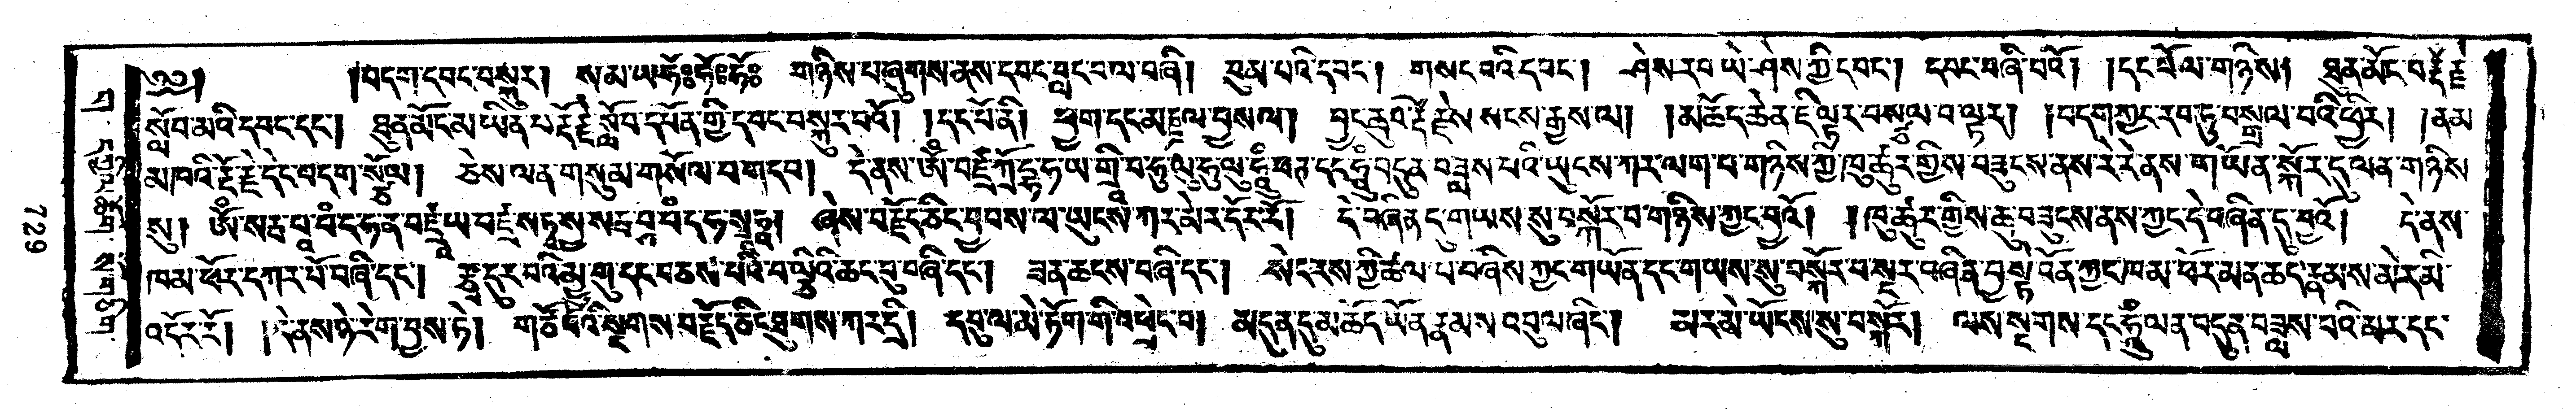༄༅། །བདག་དབང་བསྐུར། ས་མ་ཡ་ཧོཿཧོཿཧོཿ གཉིས་པ་ཞུགས་ནས་དབང་བླང་བ་ལ་བཞི། བུམ་པའི་དབང་། གསང་བའི་དབང་། ཤེས་རབ་ཡེ་ཤེས་ཀྱི་དབང་། དབང་བཞི་པའོ། །དང་པོ་ལ་གཉིས། ཐུན་མོང་བ་རྡོ་རྗེ་
སློབ་མའི་དབང་དང་། ཐུན་མོང་མ་ཡིན་པ་རྡོ་རྗེ་སློབ་དཔོན་གྱི་དབང་བསྐུར་བའོ། །དང་པོ་ནི། ཕྱག་དང་མཎྜལ་བྱས་ལ། བྱང་ཆུབ་རྡོ་རྗེས་སངས་རྒྱས་ལ། །མཆོད་ཆེན་ཇི་ལྟར་བསྩལ་བ་ལྟར། །བདག་ཀྱང་རབ་ཏུ་བསྒྲལ་བའི་ཕྱིར། །ནམ་
མཁའི་རྡོ་རྗེ་དེང་བདག་སྩོལ། ཅེས་ལན་གསུམ་གསོལ་བ་གདབ། དེ་ནས་ཨོཾ་བཛྲ་ཀྲོ་དྷ་ཧ་ཡ་གྲཱི་བ་ཧུ་ལུ་ཧུ་ལུ་ཧཱུཾ་ཕཊ་དང་ཧཱུཾ་བདུན་བཟླས་པའི་ཡུངས་ཀར་ལག་པ་གཉིས་ཀྱི་ཁུ་ཚུར་གྱིས་བཟུངས་ནས་རེ་རེ་ནས་གཡོན་སྐོར་དུ་ལན་གཉིས་
སུ། ཨོཾ་སརྦ་པཱ་བ་མ་ད་ཧ་ན་བཛྲཱ་ཡ་བཛྲ་སཏྭ་སཡ་སརྦ་བཱ་བཾ་ད་ཧ་ན་སྭཱཧཱ། ཞེས་བརྗོད་ཅིང་བྱབས་ལ་ཡུངས་ཀར་མེར་དོར་རོ། དེ་བཞིན་དུ་གཡས་སུ་བསྐོར་བ་གཉིས་ཀྱང་བྱའོ། །ཁུ་ཚུར་གྱིས་ཆུ་བཟུངས་ནས་ཀྱང་དེ་བཞིན་དུ་བྱའོ། དེ་ནས་
ཁམ་ཕོར་དཀར་པོ་བཞི་དང་། རྩྭ་དུར་བའི་མྱུ་གུ་དང་བཅས་པའི་བ་ལྕིའི་ཆང་བུ་བཞི་དང་། ཟན་ཆངས་བཞི་དང་། སེང་རས་ཀྱི་ཚལ་བ་བཞིས་ཀྱང་གཡོན་དང་གཡས་སུ་བསྐོར་བ་སྔར་བཞིན་བྱ་སྟེ་འོན་ཀྱང་ཁམ་ཕོར་མན་ཆད་རྣམས་མེར་མི་
འདོར་རོ། །དེ་ནས་ཉེ་རེག་བྱས་ཏེ། གཙོ་བོའི་སྔགས་བརྗོད་ཅིང་ཐུགས་ཀར་དྲི། དབུ་ལ་མེ་ཏོག་གི་འཕྲེང་བ། མདུན་དུ་མཆོད་ཡོན་རྣམས་འབུལ་ཞིང་། མར་མེ་ཡོངས་སུ་བསྐོར། ལས་སྔགས་དང་ཧཱུཾ་ལན་བདུན་བཟླས་པའི་མར་དང་